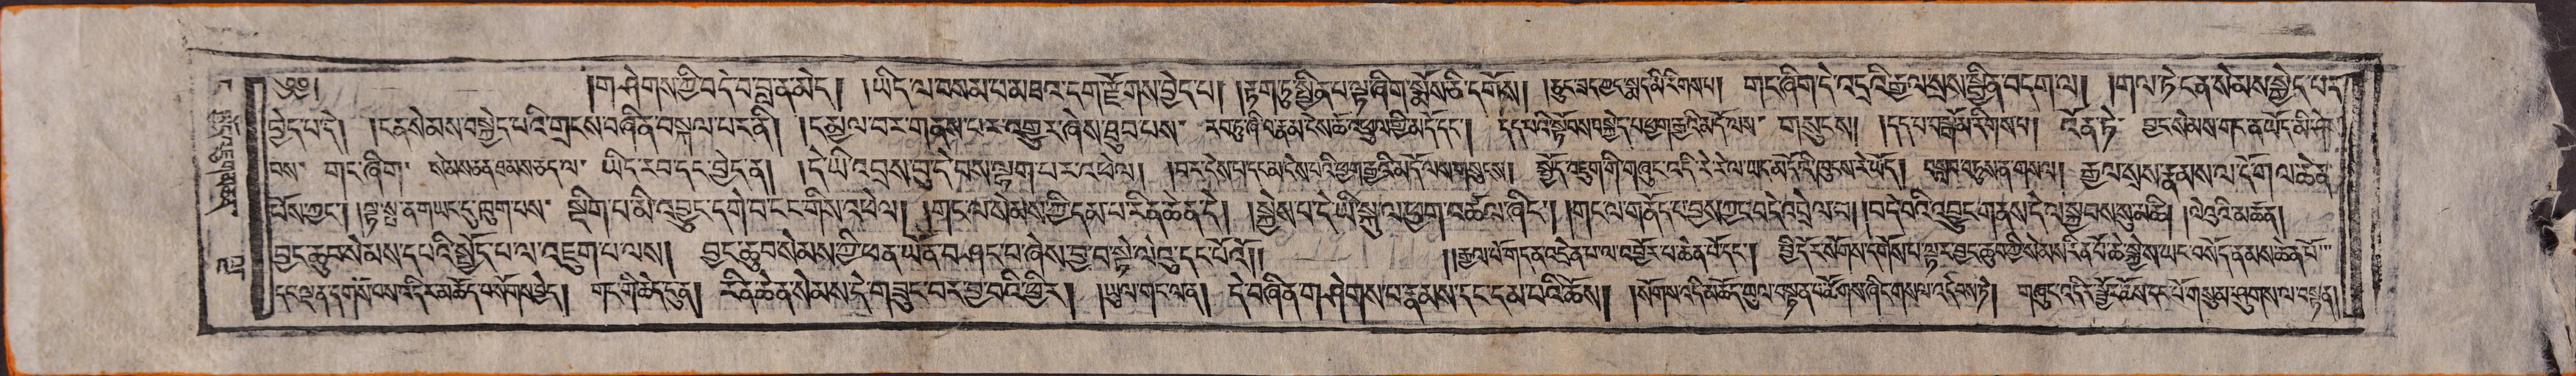༄༅། །གཤེགས་ཀྱི་བདེ་བ་བླ་ན་མེད། །ཡིད་ལ་བསམ་པ་མཐའ་དག་རྫོགས་བྱེད་པ། །རྟག་ཏུ་སྦྱིན་པ་ལྟ་ཞིག་སྨོས་ཅི་དགོས། །ཅུང་ཟད་ཀྱང་སྨད་མི་རིགས་པ།  གང་ཞིག་དེ་འདྲའི་རྒྱལ་སྲས་སྦྱིན་བདག་ལ། །གལ་ཏེ་ངན་སེམས་སྐྱེད་བར་
བྱེད་པ་དེ། །ངན་སེམས་བསྐྱེད་པའི་གྲངས་བཞིན་བསྐལ་པར་ནི། །དམྱལ་བར་གནས་པར་འགྱུར་ཞེས་ཐུབ་པས་རབ་ཏུ་ཞི་བ་རྣམ་ངེས་ཆོ་འཕྲུལ་གྱི་མདོ་དང་། དད་པའི་སྟོབས་བསྐྱེད་པ་ཕྱག་རྒྱའི་མདོ་ལས་གསུངས། །དད་བ་བསྒོམ་རིགས་པ།  འོན་ཏེ་བྱང་སེམས་གང་ན་ཡོད་མི་ཤེས་
པས་གང་ཞིག་སེམས་ཅན་ཐམས་ཅད་ལ་ཡིད་རབ་དང་བྱེད་ན། །དེ་ཡི་འབྲས་བུ་དེ་བས་ལྷག་པར་འཕེལ། །བར་ངེས་པ་དང་ས་ངེས་བའི་ཕྱག་རྒྱའི་མདོ་ལས་གསུངས། སྤྱོད་འཇུག་གི་གཞུང་འདི་རེ་རེ་ལ་ཡང་མདོའི་ཁུངས་རེ་ཡོད། བསླབ་བཏུས་ན་གསལ།  རྒྱལ་སྲས་རྣམས་ལ་དོ་གལ་ཆེན་
པོས་ཀྱང་། །ལྟས་ངན་གཡང་དུ་ཁུག་པས་སྡིག་པ་མི་འབྱུང་དགེ་བ་ངང་གིས་འཕེལ། །གང་ལ་སེམས་ཀྱི་དམ་པ་རིན་ཆེན་དེ། །སྐྱེས་པ་དེ་ཡི་སྐུ་ལ་ཕྱག་འཚལ་ཞིང་། །གང་ལ་གནོད་པ་བྱས་ཀྱང་འདེ་འབྲེལ་བ། །བདེ་བའི་འབྱུང་གནས་དེ་ལ་སྐྱབས་སུ་མཆི། །ལེའུའི་མཚན།
བྱང་ཆུབ་སེམས་དཔའི་སྤྱོད་པ་ལ་འཇུག་པས་ལས། བྱང་ཆུབ་སེམས་ཀྱི་ཕན་ཡོན་བཤད་པ་ཞེས་བྱ་བ་སྟེ་ལེའུ་དང་པོའོ།། །།རྒྱལ་བ་གདན་འདྲེན་པ་ལ་འབྱོར་བ་ཆེན་པོ་དང་། བྱེ་དོར་སོགས་དགོས་པ་ལྟར་བྱང་ཆུབ་ཀྱི་སེམས་རིན་པོ་ཆེ་སྐྱེས་ཡང་བསོད་ནམས་ཆེན་པོ་
དང་ལྡན་དགོས་བས་འདིར་མཆོད་པ་སོགས་བྱེད། གང་གི་ཆེད་དུ་ན། རིན་ཆེན་སེམས་དེ་གཟུང་བར་བྱ་བའི་ཕྱིར། །ཡུལ་གང་ལན།  དེ་བཞིན་གཤེགས་བ་རྣམས་དང་དམ་པའི་ཆོས། །སོགས་འདི་མཆོད་ཡུལ་བསྟན་པ་ཚོགས་ཞིང་གསལ་འདེབས་ཏེ། གཞུང་འདིར་སྐྱོང་ཆོས་དང་པོ་གསུམ་ཤུ་བསལ་བསྙན།